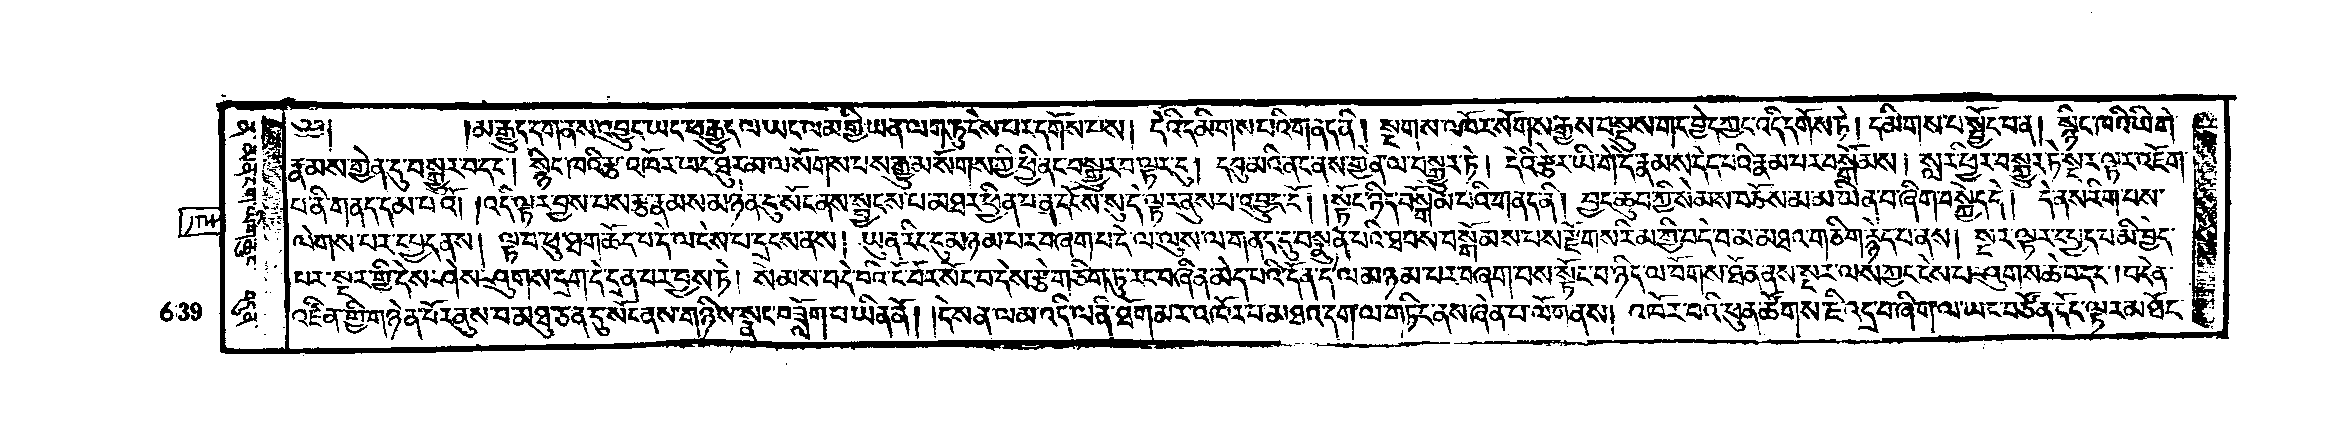༄༅། །མ་རྒྱུད་དག་ནས་འབྱུང་ཡང་ཕ་རྒྱུད་ལ་ཡང་ལམ་གྱི་ཡན་ལག་ཏུ་ངེས་པར་དགོས་པས། དེའི་དམིགས་པའི་གནད་ནི། སྔགས་འཁོར་སོགས་རྒྱས་བསྡུས་གང་བྱེད་ཀྱང་འདི་དགོས་ཏེ། དམིགས་པ་སྦྱོང་པ་ན། སྙིང་ཁའི་ཡི་གེ་
རྣམས་གྱེན་དུ་བསྒྱུར་བ་དང་། སྙིང་ཁའི་རྩ་འཁོར་ཡང་ཐུར་མ་ལ་སོགས་པས་རྒྱུ་མ་སོགས་ཀྱི་ཕྱི་ནང་བསྒྱུར་བ་ལྟར་དུ། དབུ་མའི་ནང་ནས་གྱིན་ལ་བསྒྱུར་ཏེ། དེའི་རྩེར་ཡི་གེ་དེ་རྣམས་དེད་པའི་རྣམ་པར་བསྒོམས། སླར་ཕྱིར་བསྒྱུར་ཏེ་སྔར་ལྟར་འཇོག་
པ་ནི་གནད་དམ་པའོ། །འདི་ལྟར་བྱས་པས་རྩ་རྣམས་མཉེན་དུ་སོང་ནས་སྦྱངས་པ་མཐར་ཕྱིན་པ་ན་དངོས་སུ་དེ་ལྟར་ནུས་པ་འབྱུང་ངོ། །སྟོང་ཉིད་བསྒོམ་པའི་གནད་ནི། བྱང་ཆུབ་ཀྱི་སེམས་བཅོས་མ་མ་ཡིན་པ་ཞིག་བསྐྱེད་དེ། དེ་ནས་རིག་པས་
ལེགས་པར་དཔྱད་ནས། ལྟ་བ་ཕུ་ཐག་ཆོད་པ་དེ་ལ་ངེས་པ་དྲངས་ནས། ཡུན་རིང་དུ་མཉམ་པར་བཞག་པ་དེ་ལ་ལུས་ལ་གནད་དུ་བསྣུན་པའི་ཐབས་བསྒོམས་པས་རྫོགས་རིམ་གྱི་བདེ་བ་མ་མཐའ་གཅིག་རྙེད་པ་ནས། སྔར་ལྟར་དཔྱད་པ་མི་བྱེད་
པར་སྔར་གྱི་ངེས་ཤེས་ཤུགས་དྲག་དེ་དྲན་པར་བྱས་ཏེ། སེམས་བདེ་བའི་ངོ་བོར་སོང་བ་དེས་རྩེ་གཅིག་ཏུ་རང་བཞིན་མེད་པའི་དོན་དེ་ལ་མཉམ་པར་བཞག་པས་སྟོང་པ་ཉིད་ལ་བོགས་ཐོན་ནས་སྔར་ལས་ཀྱང་ངེས་པ་ཤུགས་ཆེ་བ་དང་། བདེན་
འཛིན་གྱི་གཉེན་པོར་ནུས་པ་མཐུ་ཅན་དུ་སོང་ནས་གཉིས་སྣང་བཟློག་པ་ཡིན་ནོ། །དེས་ན་ལམ་འདི་ལ་ནི་ཐོག་མར་འཁོར་བ་མཐའ་དག་ལ་གཏིང་ནས་ཞེན་པ་ལོག་ནས། འཁོར་བའི་ཕུན་ཚོགས་ཇི་འདྲ་བ་ཞིག་ལ་ཡང་བཙོན་དོང་ལྟར་མཐོང་